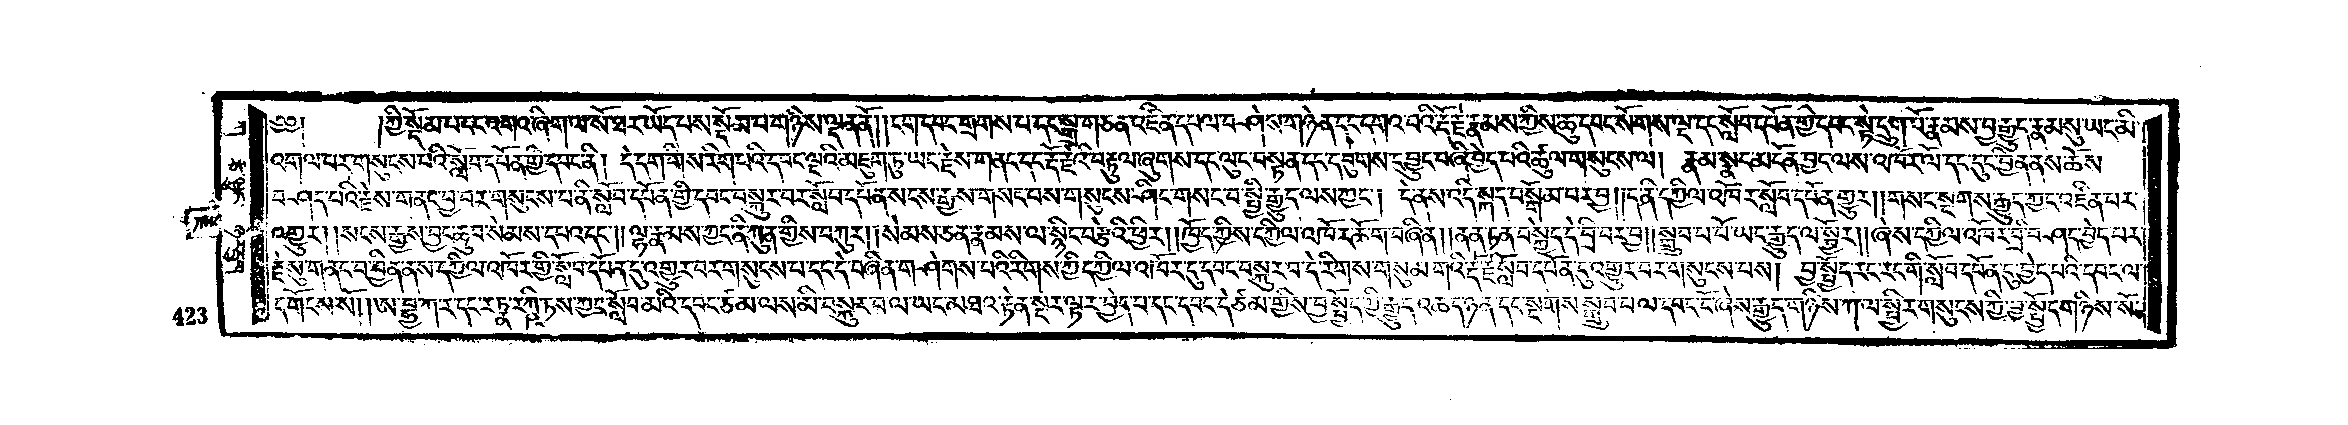༄༅། །ཀྱི་སྡོམ་པ་དང་འགའ་ཞིག་ལ་སོ་ཐར་ཡོད་པས་སྡོམ་པ་གཉིས་ལྡན་ནོ། །ངག་དབང་གྲགས་པ་དང་སྒྲ་གཅན་འཛིན་དཔལ་བཤེས་གཉེན་དང་དགའ་བའི་རྡོ་རྗེ་རྣམས་ཀྱིས་ཆུ་དབང་སོགས་ལྔ་དང་སློབ་དཔོན་གྱི་དབང་སྟེ་དྲུག་པོ་རྣམས་བྱ་རྒྱུད་རྣམས་སུ་ཡང་མི་
འགལ་པར་གསུངས་པའི་སློབ་དཔོན་གྱི་དབང་ནི། དེ་དག་གིས་རིག་པའི་དབང་ལྔའི་མཇུག་ཏུ་ཡང་རྗེས་གནང་རྡོ་རྗེའི་བརྟུལ་ཞུགས་དང་བསྟན་དང་དབུགས་དབྱུང་བཞི་བྱེད་པའི་ཚུལ་གསུངས་ལ། རྣམ་སྣང་མངོན་བྱང་ལས་འཁོར་ལོ་དང་དུང་བྱིན་ནས་ཆོས་
བཤད་པའི་རྗེས་གནང་བྱ་བར་གསུངས་པ་ནི་སློབ་དཔོན་གྱི་དབང་བསྐུར་བར་སློབ་དཔོན་སངས་རྒྱས་གསང་བས་གསུངས་ཤིང་གསང་བ་སྤྱི་རྒྱུད་ལས་ཀྱང་། དེ་ནས་འདི་སྐད་བསྒོམ་པར་བྱ། །ད་ནི་དཀྱིལ་འཁོར་སློབ་དཔོན་གྱུར། །གསང་སྔགས་རྒྱུད་ཀྱང་འཛིན་པར་
འགྱུར། །སངས་རྒྱས་བྱང་ཆུབ་སེམས་དཔའ་དང་། །ལྷ་རྣམས་ཀྱང་ནི་ཀུན་གྱིས་བཀུར། །སེམས་ཅན་རྣམས་ལ་སྙིང་བརྩེའི་ཕྱིར། །ཁྱོད་ཀྱིས་དཀྱིལ་འཁོར་ཆོ་ག་བཞིན། །ནན་ཏན་བསྐྱེད་དེ་བྲི་བར་བྱ། །སྒྲུབ་པ་པོ་ཡང་རྒྱུད་ལ་སྦྱོར། །ཞེས་དཀྱིལ་འཁོར་བྲི་བཤད་བྱེད་པར་
རྗེས་སུ་གནང་བ་བྱིན་ནས་དཀྱིལ་འཁོར་གྱི་སློབ་དཔོན་དུ་འགྱུར་བར་གསུངས་པ་དང་དེ་བཞིན་གཤེགས་པའི་རིགས་ཀྱི་དཀྱིལ་འཁོར་དུ་དབང་བསྐུར་བ་དེ་རིགས་གསུམ་གའི་རྡོ་རྗེ་སློབ་དཔོན་དུ་འགྱུར་བར་གསུངས་པས། བྱ་སྤྱོད་རང་རང་གི་སློབ་དཔོན་དུ་བྱེད་པའི་དབང་ལ་
དགོངས་སོ། །ཨ་བྷྱ་ཀ་ར་དང་རཏྣ་རཀྴི་ཏས་ཀྱང་སློབ་མའི་དབང་ཙམ་ལས་མི་བསྐུར་བ་ལ་ཡང་མཐའ་རྟེན་སྔར་ལྟར་བྱེད་པ་དང་དབང་དེ་ཙམ་གྱིས་བྱ་སྤྱོད་ཀྱི་རྒྱུད་འཆད་ཉན་དང་སྔགས་སྒྲུབ་པ་ལ་དབང་ངོ་ཞེས་རྒྱུད་གཉིས་ཀ་ལ་སྤྱིར་གསུངས་ཀྱི་བྱ་སྤྱོད་གཉིས་སོ་